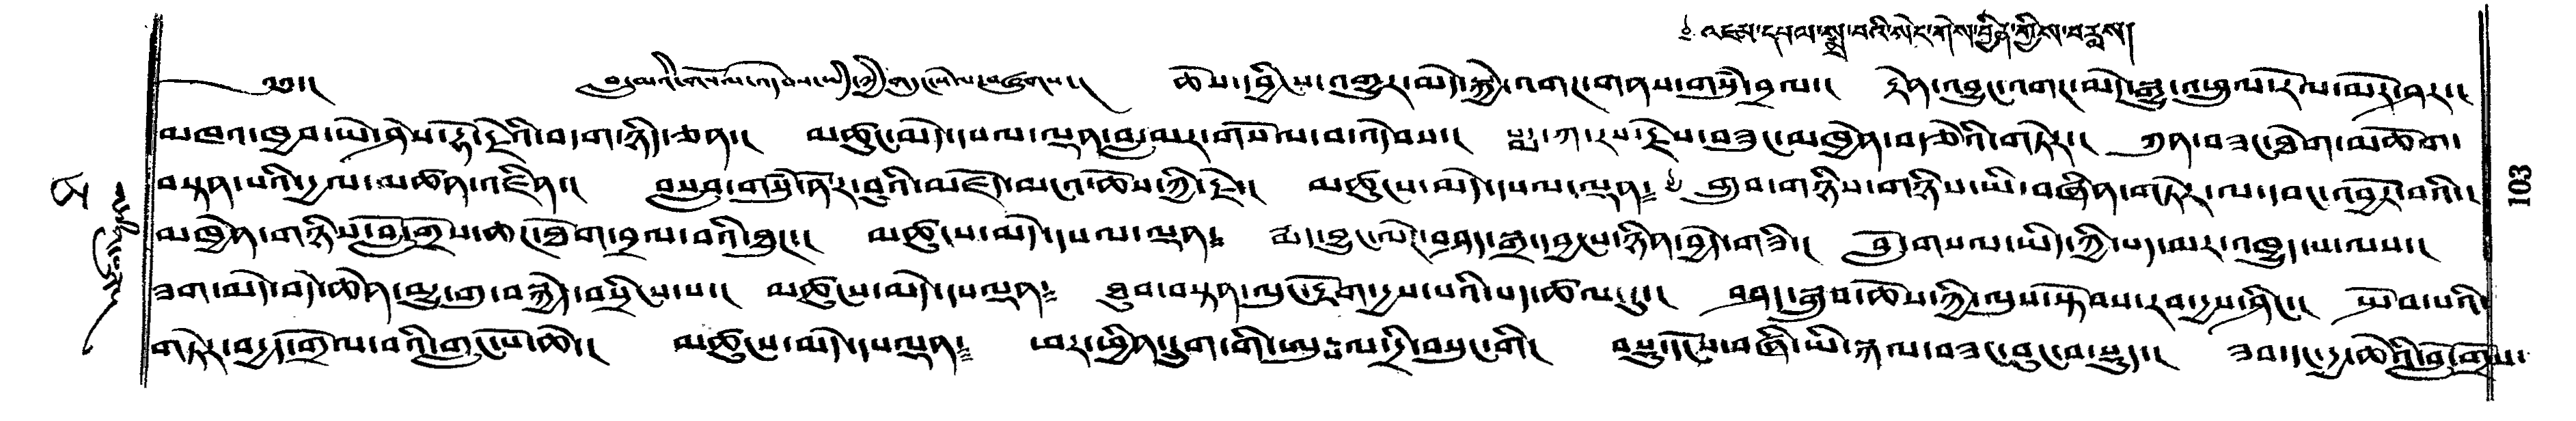བླ་མའི་གསོལ་འདེབས་ཡིད་ཀྱི་གདུང་སེལ་བཞུགས།། ཆོས་དབྱིངས་འགྱུར་མེད་སྐྱེ་འགག་གནས་གསུམ་བྲལ། །རྟེན་འབྱུང་འགག་མེད་སྒྱུ་འཕྲུལ་རོལ་མོར་ཤར། །
མཁའ་ཁྱབ་ཡེ་ཤེས་རྡོ་རྗེའི་བདག་ཉིད་ཅན། །མཚུངས་མེད་དཔལ་ལྡན་བླ་མར་གསོལ་བ་འདེབས། །པདྨ་ཀ་རས་རྗེས་བཟུང་མཁྱེན་བརྩེའི་གཏེར། །ཀུན་བཟང་ཐེག་མཆོག་
བསྟན་པའི་རྒྱལ་མཚན་འཛིན། །བསླབ་གསུམ་ནོར་བུའི་མཛོད་མངའ་ཆོས་ཀྱི་རྗེ། །མཚུངས་མེད་དཔལ་ལྡན༴ འཇམ་དཔལ་སྨྲ་བའི་སེང་གེས་བྱིན་གྱིས་བརླས། །གྲུབ་གཉིས་ཡིད་བཞིན་གཏེར་ལ་དབང་འབྱོར་བའི། །
མཁྱེན་གཉིས་བློ་གྲོས་ཆགས་ཐོགས་བྲལ་བའི་ཐུགས། །མཚུངས་མེད་དཔལ་ལྡན༴ རྨད་བྱུང་ལེགས་བཤད་སྒྲ་དབྱངས་ཉིན་བྱེད་གཟི། །བློ་གསལ་ཡིད་ཀྱི་པད་མོར་འཁྱུད་པ་ལས། །
ཟག་མེད་བདེ་ཆེན་མྱུ་གུ་བསྐྱེད་བསྲིངས་པ། །མཚུངས་མེད་དཔལ་ལྡན༴ ཐུབ་བསྟན་ལུང་རྟོགས་རྒྱས་པའི་པད་ཚལ་དུ། །བཤད་སྒྲུབ་ཆོས་ཀྱི་ལུས་སྟོབས་རབ་རྒྱས་ཤིང་། །སྤོབས་པའི་
གཏེར་བརྒྱད་གྲོལ་བའི་གླང་པོ་ཆེ། །མཚུངས་མེད་དཔལ་ལྡན༴ ཕར་ཕྱིན་དྲུག་གི་ཨུཏྤལ་དྲི་བསུང་གི །བསྡུ་དངོས་བཞི་ཡིས་སྐལ་བཟང་བུང་བ་སྡུད། །ཟབ་དང་རྒྱ་ཆེའི་བློ་གྲོས་